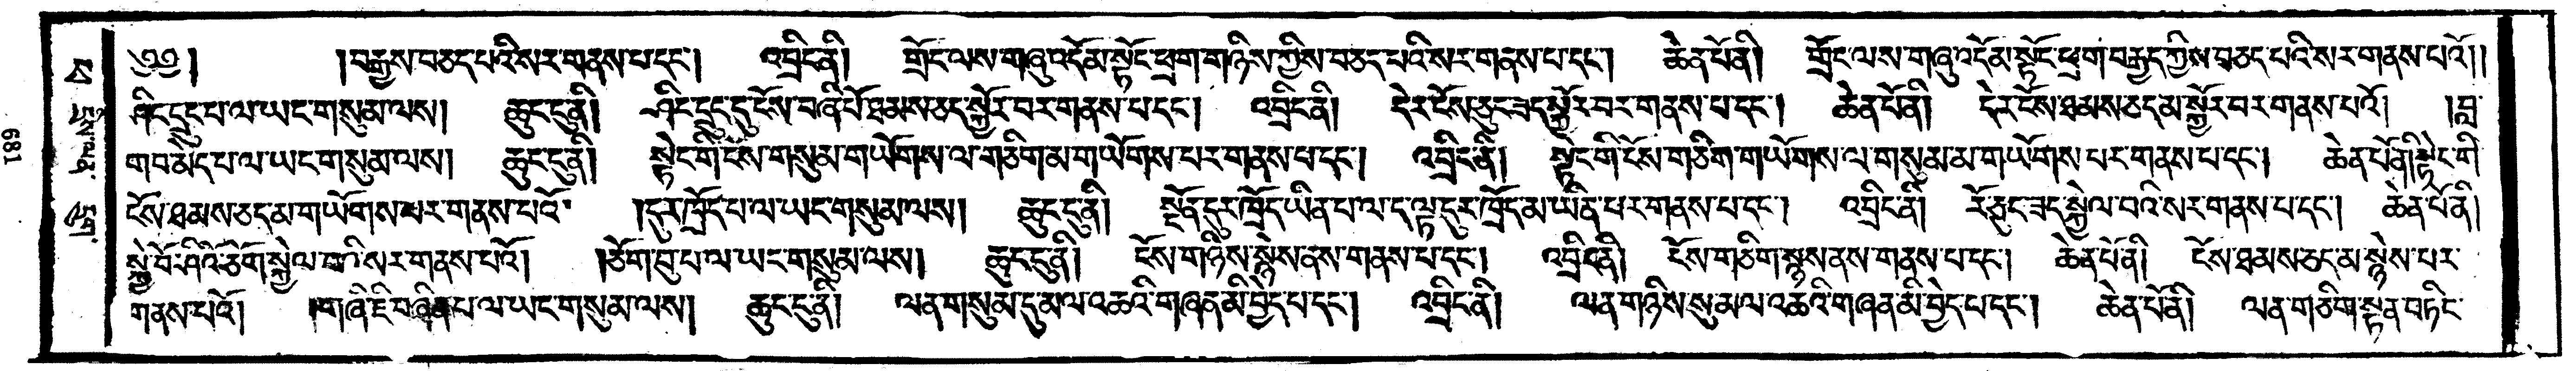༄༅། །བརྒྱས་བཅད་པའི་སར་གནས་པ་དང་། འབྲིང་ནི། གྲོང་ལས་གཞུ་འདོམ་སྟོང་ཕྲག་གཉིས་ཀྱིས་བཅད་པའི་སར་གནས་པ་དང་། ཆེན་པོ་ནི། གྲོང་ལས་གཞུ་འདོམ་སྟོང་ཕྲག་བརྒྱད་ཀྱིས་བཅད་པའི་སར་གནས་པའོ།།
ཤིང་དྲུང་པ་ལ་ཡང་གསུམ་ལས། ཆུང་དུ་ནི། ཤིང་དྲུང་དུ་ངོས་བཞི་པོ་ཐམས་ཅད་སྐྱོར་བར་གནས་པ་དང་། འབྲིང་ནི། དེར་ངོས་ཅུང་ཟད་སྐྱོར་བར་གནས་པ་དང་། ཆེན་པོ་ནི། དེར་ངོས་ཐམས་ཅད་མ་སྐྱོར་བར་གནས་པའོ། །བླ་
གབ་མེད་པ་ལ་ཡང་གསུམ་ལས། ཆུང་དུ་ནི། སྟེང་གི་ངོས་གསུམ་གཡོགས་ལ་གཅིག་མ་གཡོགས་པར་གནས་པ་དང་། འབྲིང་ནི། སྟེང་གི་ངོས་གཅིག་གཡོགས་ལ་གསུམ་མ་གཡོགས་པར་གནས་པ་དང་། ཆེན་པོ་ནི། སྟེང་གི་
ངོས་ཐམས་ཅད་མ་གཡོགས་པར་གནས་པའོ། །དུར་ཁྲོད་པ་ལ་ཡང་གསུམ་ལས། ཆུང་དུ་ནི། སྔོན་དུར་ཁྲོད་ཡིན་པ་ལ་ད་ལྟ་དུར་ཁྲོད་མ་ཡིན་པར་གནས་པ་དང་། འབྲིང་ནི། རོ་ཅུང་ཟད་སྐྱེལ་བའི་སར་གནས་པ་དང་། ཆེན་པོ་ནི།
སྐྱེ་བོ་ཤིའོ་ཅོག་སྐྱེལ་བའི་སར་གནས་པའོ། །ཅོག་བུ་པ་ལ་ཡང་གསུམ་ལས། ཆུང་དུ་ནི། ངོས་གཉིས་སྙེས་ནས་གནས་པ་དང་། འབྲིང་ནི། ངོས་གཅིག་སྙས་ནས་གནས་པ་དང་། ཆེན་པོ་ནི། ངོས་ཐམས་ཅད་མ་སྙེས་པར་
གནས་པའོ། །གཞི་ཇི་བཞིན་པ་ལ་ཡང་གསུམ་ལས། ཆུང་དུ་ནི། ལན་གསུམ་དུ་མལ་འཆའི་གཞན་མི་བྱེད་པ་དང་། འབྲིང་ནི། ལན་གཉིས་སུ་མལ་འཆའི་གཞན་མི་བྱེད་པ་དང་། ཆེན་པོ་ནི། ལན་གཅིག་སྟན་བཏིང་